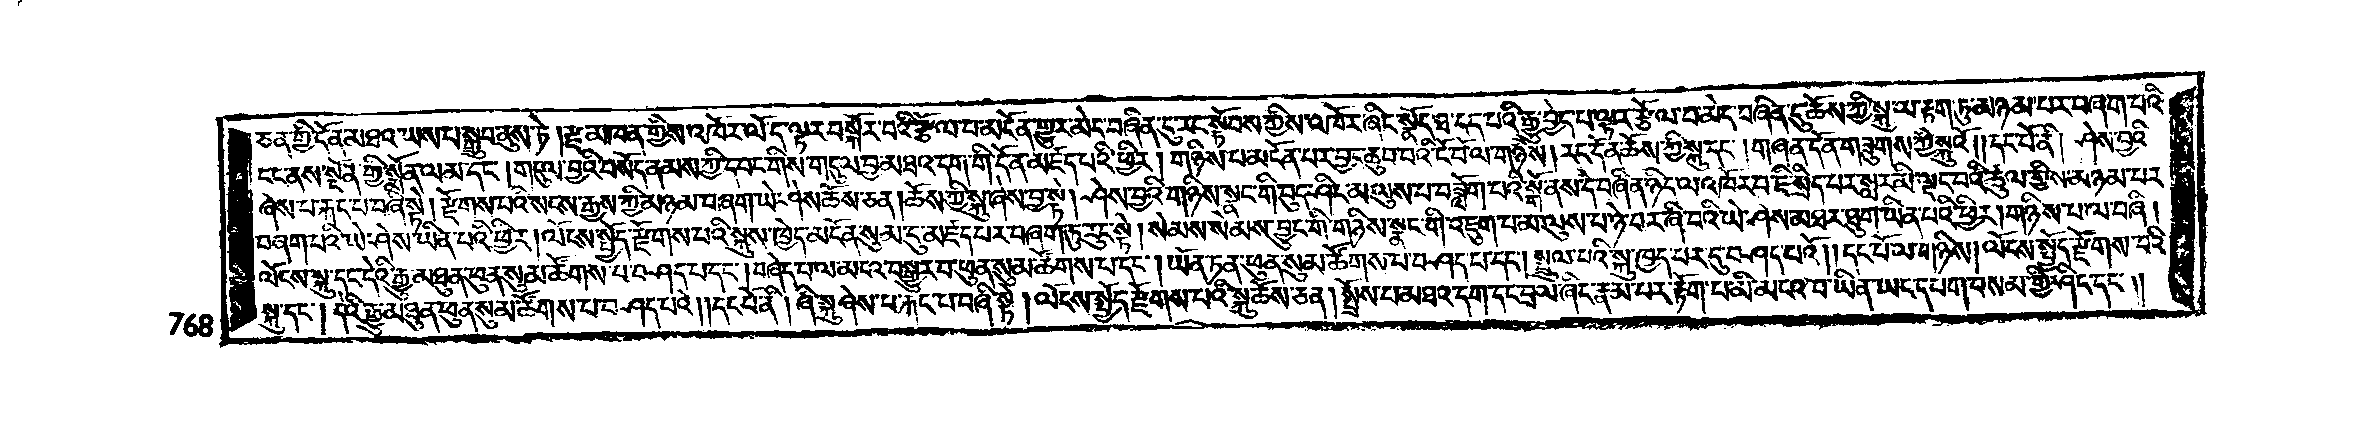ཅན་གྱི་དོན་མཐའ་ཡས་པ་སྒྲུབ་ནུས་ཏེ། རྫ་མཁན་གྱིས་འཁོར་ལོ་ད་ལྟར་བསྐོར་བའི་རྩོལ་བ་མངོན་གྱུར་མེད་བཞིན་དུ་རང་སྟོབས་ཀྱིས་འཁོར་ཞིང་སྣོད་ཐ་དད་པའི་རྒྱུ་བྱེད་པ་ལྟར་རྩོལ་བ་མེད་བཞིན་དུ་ཆོས་ཀྱི་སྐུ་ལ་རྟག་ཏུ་མཉམ་པར་བཞག་པའི་
ངང་ནས་སྔོན་གྱི་སྨོན་ལམ་དང་། གདུལ་བྱའི་བསོད་ནམས་ཀྱི་དབང་གིས་གདུལ་བྱ་མཐའ་དག་གི་དོན་མཛད་པའི་ཕྱིར། གཉིས་པ་མངོན་པར་བྱང་ཆུབ་པའི་ངོ་བོ་ལ་གཉིས། རང་དོན་ཆོས་ཀྱི་སྐུ་དང་། གཞན་དོན་གཟུགས་ཀྱི་སྐུའོ། །དང་པོ་ནི། ཤེས་བྱའི་
ཞེས་པ་རྐང་པ་བཞི་སྟེ། རྫོགས་པའི་སངས་རྒྱས་ཀྱི་མཉམ་བཞག་ཡེ་ཤེས་ཆོས་ཅན། ཆོས་ཀྱི་སྐུ་ཞེས་བྱ་སྟེ། ཤེས་བྱའི་གཉིས་སྣང་གི་བུད་ཤིང་མ་ལུས་པ་བཟློག་པའི་སྒོ་ནས་དེ་བཞིན་ཉིད་ལ་འཁོར་བ་ཇི་སྲིད་པར་སླར་མི་ལྡང་བའི་ཚུལ་གྱིས་མཉམ་པར་
བཞག་པའི་ཡེ་ཤེས་ཡིན་པའི་ཕྱིར། ལོངས་སྤྱོད་རྫོགས་པའི་སྐུས་ཁྱེད་མངོན་སུམ་དུ་མཛད་པར་བཞག་ཏུ་རུང་སྟེ། སེམས་སེམས་བྱུང་གི་གཉིས་སྣང་གི་འཇུག་པ་མ་ལུས་པ་ཉེ་བར་ཞི་བའི་ཡེ་ཤེས་མཐར་ཐུག་ཡིན་པའི་ཕྱིར། གཉིས་པ་ལ་བཞི།
ལོངས་སྐུ་དང་དེའི་རྒྱུ་མཐུན་ཕུན་སུམ་ཚོགས་པ་བཤད་པ་དང་། བཞེད་པ་ལ་མངའ་བསྒྱུར་བ་ཕུན་སུམ་ཚོགས་པ་དང་། ཡོན་ཏན་ཕུན་སུམ་ཚོགས་པ་བཤད་པ་དང་། སྤྲུལ་པའི་སྐུ་ཁྱད་པར་དུ་བཤད་པའོ། །དང་པོ་ལ་གཉིས། ལོངས་སྤྱོད་རྫོགས་པའི་
སྐུ་དང་། དེའི་རྒྱུ་མཐུན་ཕུན་སུམ་ཚོགས་པ་བཤད་པའོ། །དང་པོ་ནི། ཞི་སྐུ་ཞེས་པ་རྐང་པ་བཞི་སྟེ། ལོངས་སྤྱོད་རྫོགས་པའི་སྐུ་ཆོས་ཅན། སྤྲོས་པ་མཐའ་དག་དང་བྲལ་ཞིང་རྣམ་པར་རྟོག་པ་མི་མངའ་བ་ཡིན་ཡང་དཔག་བསམ་གྱི་ཤིང་དང།།